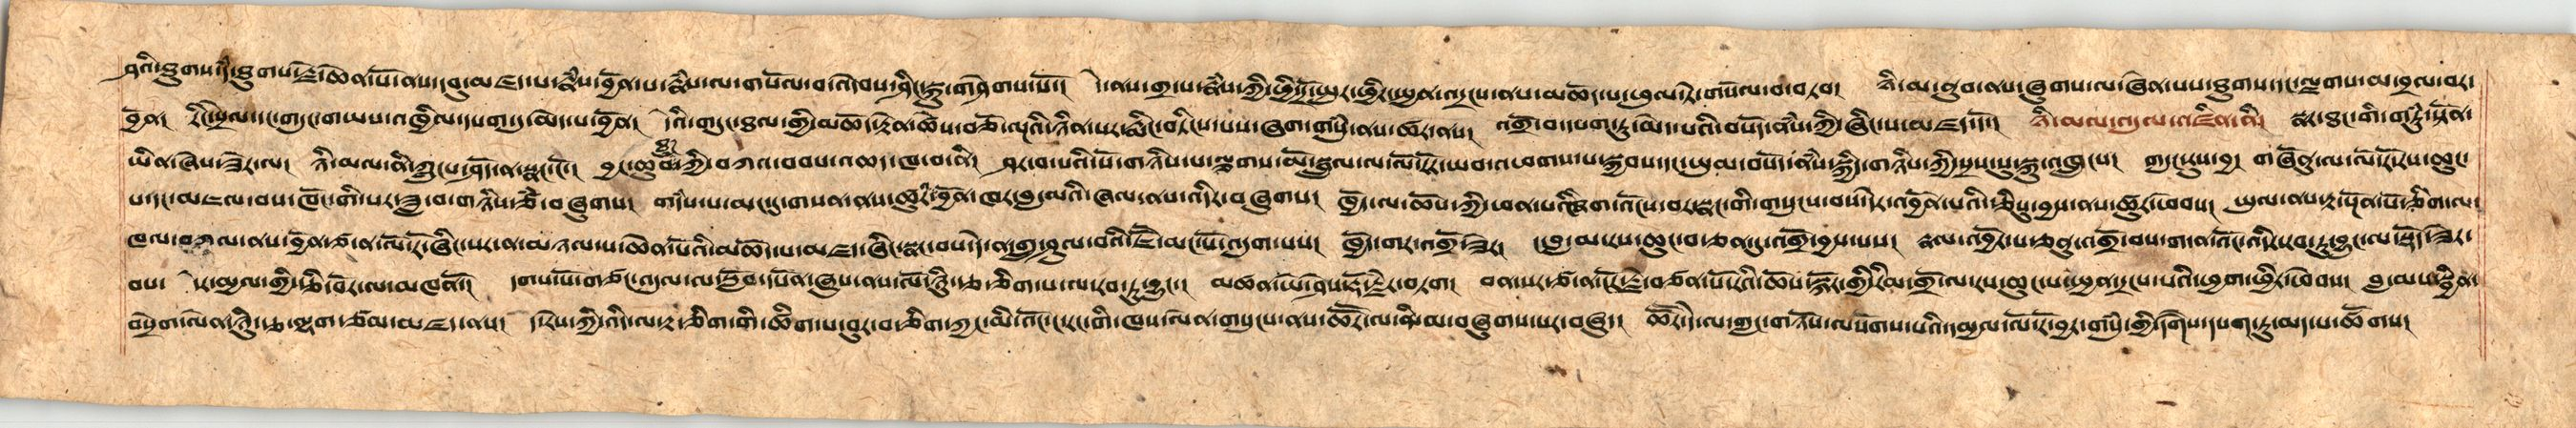ཤའི་ཐུགས་དཾ་ཐུགས་རྗེ་ཆེན་པོ་ནས་དབུ་མཛད་པ་རྣཾས་བྱོན་པ་རྣཾས་ལ་གསོལ་བ་འདེབས་ཤིང་སྐུ་གཤེགས་སོ་། དེ་ནས་གྲ་པ་རྣཾས་ཀྱི་ཕྱི་དྲོ་སྤུར་ཕྱིར་སྤྱན་འདྲངས་ནས་མཆོད་པ་ཕུལ་ཏེ་གསོལ་བ་བཏབ། ཉི་མ་ནུབ་ནས་ཞུགས་ལ་ཞེན་པས་ཐུགས་དང་ལྗགས་མ་བྲལ་བར་
བྱོན། རིང་སྲེལ་དང་གདུང་གཡས་འཁྱིལ་དཔག་དུ་མེད་པ་བྱོན། དེའི་གདུང་ཐལ་གྱི་མཆོད་རྟེན་ཚེས་བཅོ་ལྔའི་ཉིན་པར་རྨིང་བཏིངས་པས་ཞག་གསུཾ་ནས་ཚར་ནས། འགྲོ་བ་དཔག་ཏུ་མེད་པའི་བསོད་ནཾས་ཀྱི་ཞིང་ས་མཛད་དོ། ཉི་མལ་འདུལ་འཛིན་ནི། སྣར་ཐང་གི་གཏུཾ་སྟོན་
ཡིན་ཞེས་ཟེར་ལ། ཉི་མལ་ནི་ཀླུངས་ཤོད་ན་སྣང་ངོ་། བྱང་ཆུབ་ཐུཌ་ཀྱི་བཀའ་བབས་འཆད་ཁ་བ་ནི། ཤར་བ་པའི་སོ་གཉིས་པ་ལྕགས་མོ་སྦྲུལ་ལ་ལོ་རོར་ཡབ་འཕགས་པ་སྐྱབས་དང་ཡུམ་བསོད་ནཾས་སྐྱིད་གཉིས་ཀྱི་སྲས་སུ་སྐུ་འཁྲུངས། གདུང་རུས་བྱ། གཞོནུ་ལ་ལོ་རོ་རས་ཆུང་
པ་དང་མཇལ་བས་ཁོང་གི་སར་ཟླ་བ་གཉིས་ཙཾ་བཞུགས། གདཾས་པ་མང་དུ་གསན་ནས་ཚུར་འབྱོན་ཁར་བླ་མའི་ཞལ་ནས་འདིར་བཞུགས། ཁྱོད་ལ་ཆོས་ཀྱི་ཕན་པ་ཞིག་འོངས་བར་སྣང་གི་གསུངས་བས་དེར་འབྱོན་པའི་ཅིསུ་བྱས་ནས་ཚུར་ཕེབས། ཡུལ་ནས་རྟ་སྔོན་པོ་ཅིག་ལ
ཁལ་བཀལ་ནས་བྱོན་ཙ་ན་ལོ་རོ་ཞིང་སར་ན་མཉལ་ས་ཆེན་པོའི་མཆོད་པ་མཛད་ཞིང་སྣང་བས་དེ་ན་གྲུ་ཤུལ་བའི་ཇཽ་མང་པོ་འདུག་པས། ཁྱོད་གར་འགྲོ་ཟེར། ང་བླ་མ་རས་ཆུང་པ་ཅན་དུ་འགྲོ་བྱས་པས། རྣལ་འབྱོར་པ་ཅནུ་འགྲོ་བས་ག་ན་འོང་འདིར་རབ་ཏུ་བྱུང་ལ་སྡོད་ཟེར་
བས། དེར་མྱལ་གྱི་རྩི་བོར་ལ་མཁནོ་། དགས་པོ་གཙང་འདུལ་ལ་སློབ་དཔོན་ཞུས་ནས་ལོ་ཉིུ་རྩ་ཅིག་པ་ལ་རབ་ཏུ་བྱུང་། མཚན་ཡེ་ཤེས་རྡོ་རྗེར་བཏག། བན་སར་ཙ་ན་ངོར་རྗེ་བཙན་པོ་རའི་ཆོས་སྐོར་གྱི་རིམ་གྲོ་ལ་རས་ཆུང་པ་སྤྱན་དྲངས་པའི་ཕྱག་ཕྱིར་ཕེབས། བླ་མ་བསྦྱིན་
བསྲེག་ལེན་ཉིུ་རྩ་ལྷག་ཙམ་མཛད་ནས། ད་རེས་ཀྱི་འདི་ལ་རྟ་ཅིག་གི་ཚིག་པ་བུར་བ་ཅིག་ཀྱང་མི་འོང་ང་རང་གི་ཁས་ལེན་གསུངས་ནས་ཆཽར་ལ་ནི་མ་བཞུགས་པར་བཞུད། ཆཽར་དེ་ལ་གླང་གཉོས་ལསོགས་པའི་དམྱལ་ལོ་རོ་བྱར་གསུཾ་གྱི་དགཻས་དཔག་ཏུ་མད་པ་ཚོགས།